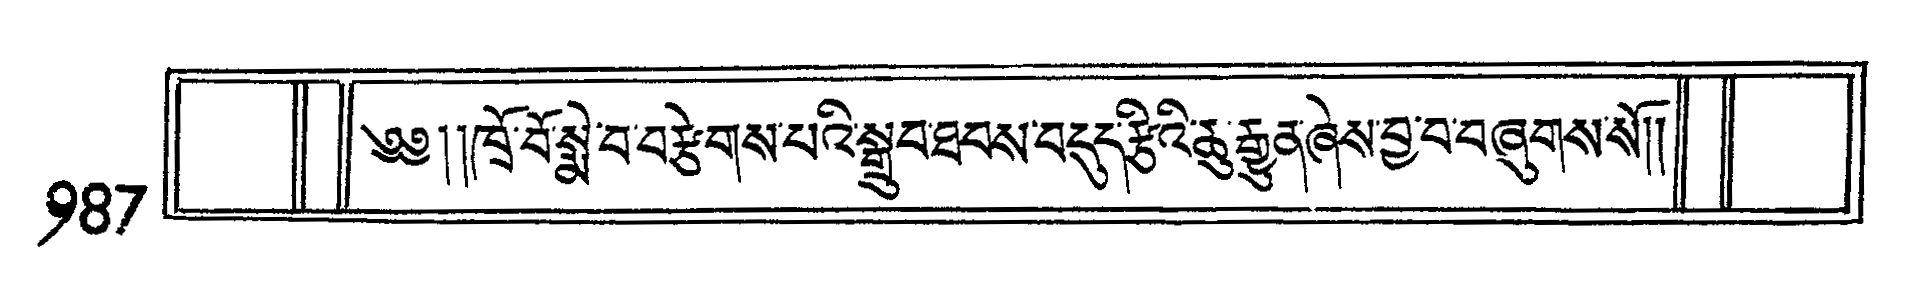༄༅། །ཁྲོ་བོ་སྨེ་བ་བརྩེགས་པའི་སྒྲུབ་ཐབས་བདུད་རྩིའི་ཆུ་རྒྱུན་ཞེས་བྱ་བ་བཞུགས་སོ། །